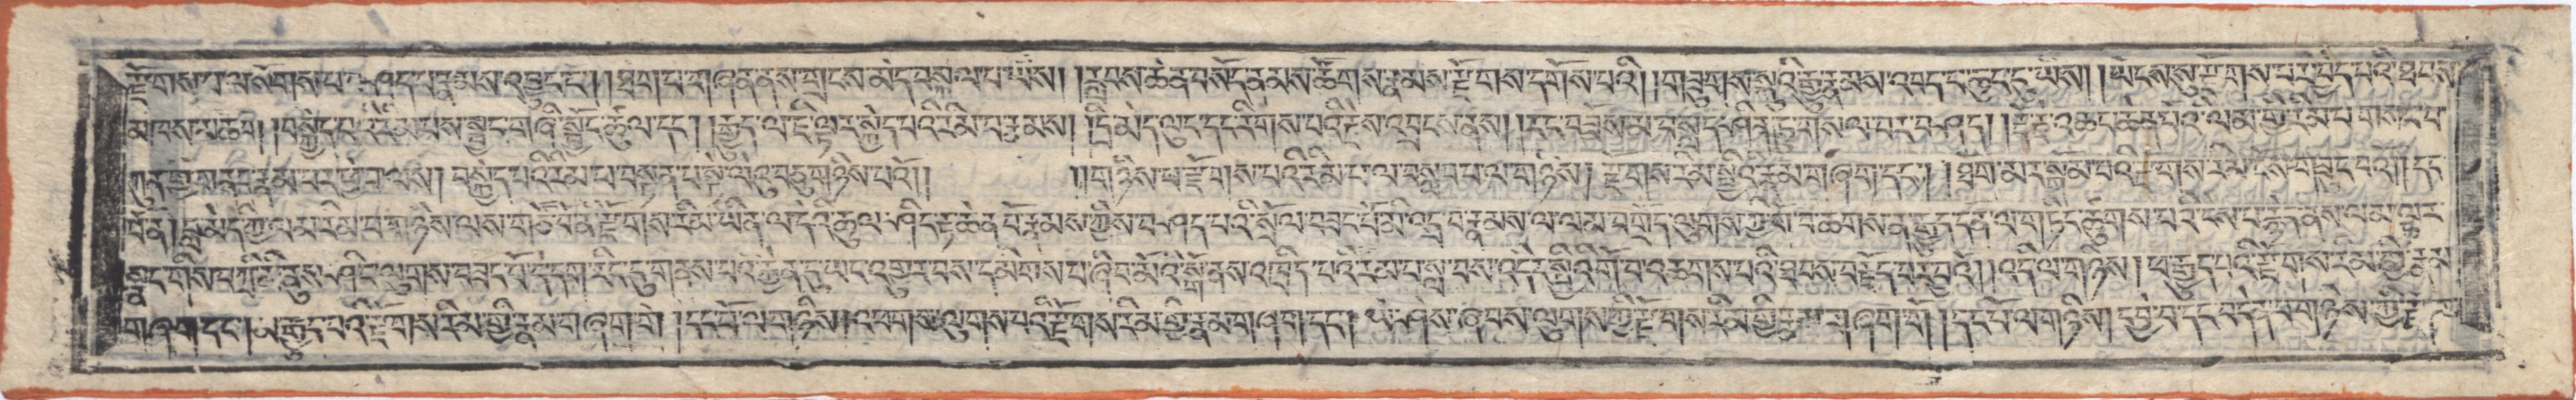རྫོགས་པ་ལ་སོགས་པ་བཤད་པ་རྣམས་འབྱུང་ངོ། །ཐེག་པ་གཞན་ནས་གྲངས་མེད་བསྐལ་པ་ཡིས། །རླབས་ཆེན་བསོད་ནམས་ཚོགས་རྣམས་རྫོགས་དགོས་པའི། །གཟུགས་སྐུའི་རྒྱུ་རྣམས་འབད་པ་ཆུང་ངུ་ཡིས། །ཡོངས་སུ་རྫོགས་པར་བྱེད་པའི་ཐབས་
མཁས་མཆོག །བསྐྱེད་པའི་རིམ་པས་སྦྱང་གཞི་སྦྱོང་ཚུལ་དང་། །རྒྱུད་ལ་ཇི་ལྟར་སྐྱེད་པའི་རིམ་པ་རྣམས། །དྲི་མེད་ལུང་དང་རིགས་པའི་རྗེས་འབྲངས་ནས། །རང་བཟོས་མ་བསླད་ཤིན་ཏུ་གསལ་བར་བཤད། །རྡོ་རྗེ་འཆང་ཆེན་པོའི་ལམ་གྱི་རིམ་པ་གསང་བ་
ཀུན་གྱི་གནད་རྣམ་པར་ཕྱེ་བ་ལས། བསྐྱེད་པའི་རིམ་པ་བསྟན་པ་སྟེ་ལེའུ་བཅུ་གཉིས་པའོ།། །།གཉིས་པ་རྫོགས་པའི་རིམ་པ་ལ་བསླབ་པ་ལ་གཉིས། རྫོགས་རིམ་སྤྱིའི་རྣམ་གཞག་དང་། །ཐོག་མར་སྒོམ་པའི་རྫོགས་རིམ་ངོས་གཟུང་བའོ།། དང་
པོ་ནི། བླ་མེད་ཀྱི་ལམ་རིམ་པ་གཉིས་ལས་གཙོ་བོ་ནི་རྫོགས་རིམ་ཡིན་ལ་དེའི་ཚུལ་ཤིང་རྟ་ཆེན་པོ་རྣམས་ཀྱིས་བཤད་པའི་སྲོལ་བཟང་པོ་མི་འདྲ་བ་རྣམས་ལ་ལམ་འགྲོད་ལུགས་ཀྱི་གོ་བ་ཆགས་ན་རྒྱུད་དོན་ལ་གཏིང་ཚུགས་པའི་ངེས་པ་རྙེད་ནས་ལམ་ལྟར་
སྣང་གིས་བཀྲི་མི་ནུས་ཤིང་ལུགས་བཟང་པོ་དེ་དག་རིང་དུ་གནས་པའི་རྐྱེན་དུ་ཡང་འགྱུར་བས་དམིགས་པ་ཞིབ་མོའི་སྒོ་ནས་འཁྲིད་པའི་རིམ་པ་སླ་བས་འདིར་སྤྱིའི་གོ་བ་འཆགས་པའི་ཐབས་བརྗོད་པར་བྱའོ། །འདི་ལ་གཉིས། ཕ་རྒྱུད་པའི་རྫོགས་རིམ་གྱི་རྣམ་
གཞག་དང་། མ་རྒྱུད་པའི་རྫོགས་རིམ་གྱི་རྣམ་གཞག་གོ །དང་པོ་ལ་གཉིས། འཕགས་ལུགས་པའི་རྫོགས་རིམ་གྱི་རྣམ་གཞག་དང་། ཡེ་ཤེས་ཞབས་ལུགས་ཀྱི་རྫོགས་རིམ་གྱི་རྣམ་གཞག་གོ། །དང་པོ་ལ་གཉིས། དབྱེ་བ་དང་བདེན་པ་གཉིས་ཀྱི་རྫོགས་